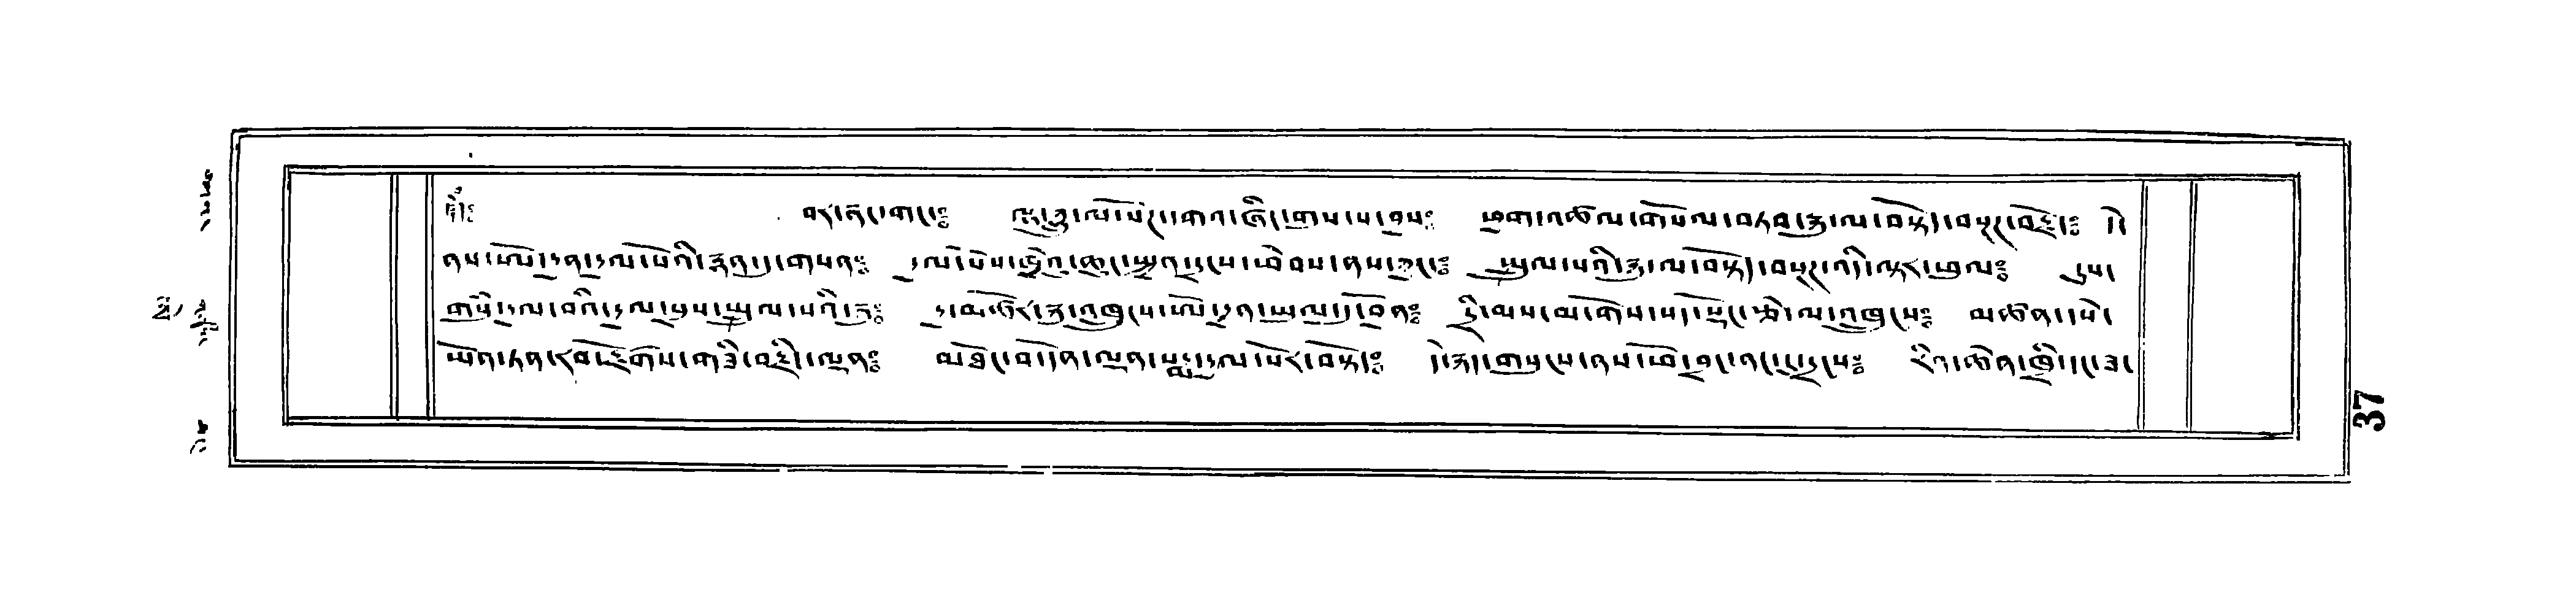བར་སྣང་གང༔ ལྷ་ཀླུ་ལ་སོགས་དགའ་ཞིང་གུས་པ་བྱས༔ ཕྱག་འཚལ་གསོལ་བཏབ་སྐུ་ལ་བསྟོད་བསྔགས་བརྗོད༔ 
དེ་ནས་ཨོ་རྒྱན་རྒྱལ་པོའི་སྙན་དུ་གསན༔ རྒྱལ་པོས་ཁྱེའུ་ཆུང་སྤྱན་དྲངས་ཕེབས་ནས་ཀྱང༔ སྤྲུལ་པའི་སྐུ་ལ་བསྟོད་བསྔགས་འདི་ལྟར་ཕུལ༔ དུས་
གསུམ་རྒྱལ་བའི་རྒྱལ་སྲས་སྤྲུལ་བའི་སྐུ༔ རྒྱ་མཚོར་སྐུ་འཁྲུངས་ཨོ་རྒྱན་ཡུལ་དུ་བྱོན༔ དྲི་མས་མ་གོས་པད་སྡོང་རྩེ་ལ་འཁྲུངས༔ མཚན་དཔེ་
ཡོན་ཏན་རབ་རྫོགས་གཟི་བརྗིད་ལྡན༔ མཐོང་བ་དོན་ལྡན་པདྨ་རྒྱལ་པོར་བསྟོད༔ དེ་སྐད་གསུངས་ནས་ཕོ་བྲང་ནང་དུ་དྲངས༔ རིན་ཆེན་ཁྲི་དང་ཟ་